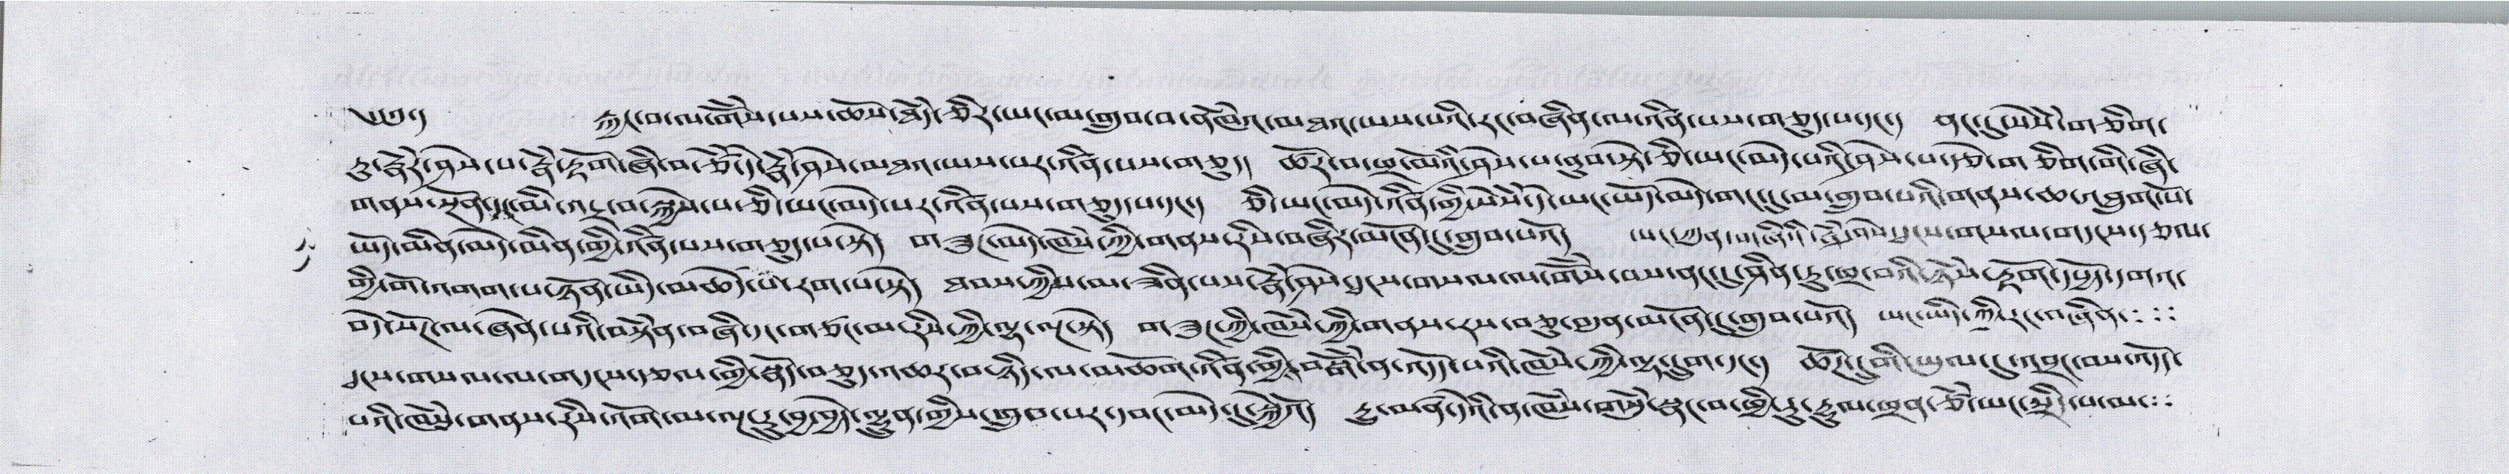རྐྱང་བ་ལ་གོམས་པས་ཆོས་ཐམས་ཅད་ཅིར་ཡང་མ་གྲུབ་པ་ནམ་མཁའ་དང་མཐའ་ཡས་པའི་རང་བཞིན་ལ་འཛིན་པས་གཅུད་པ་དང། ནང་དུ་སེམས་གཅིག་
ཏུ་རྣམ་པར་ཤེས་པ་རྣམ་རྟོག་ཞི་བ་ཙམ་དེ་རྣམ་ཤེས་མཐའ་ཡས་པར་འཛིན་པས་གཅུད། ཚོར་བ་ཕྲ་མོའི་ཤེས་པ་ནུབ་སྟེ་ཅི་ཡང་མེད་པའི་ཤེས་པ་རྩེ་གཅིག་གི་ཞི་
གནས་སྔོན་དང་མི་འདྲ་བ་སྐྱེས་པ་ཅི་ཡང་མེད་པར་འཛིན་པས་གཅུད་པ་དང། ཅི་ཡང་མེད་འཛིན་གྱི་སེམས་དེ་ཡང་ཡོད་མེད་གང་དུ་མ་གྲུབ་པའི་གནས་ཆ་འཐུག་པོ་
ཡོད་མིན་མེད་མིན་གྱི་འཛིན་པས་གཅུད་པ་སྟེ། གཟུགས་མེད་ཁམས་ཀྱི་གནས་རིས་བཞིར་མངོན་དུ་གྲུབ་པའོ། ཡང་ཀུན་གཞིའི་རྣམ་ཤེས་དྭངས་གསལ་གདངས་རྩལ་
གྱི་གོ་འགག་པ་ཉོན་ཡིད་མཆེད་པ་རག་པ་སྟེ། ཐབས་ཀྱིས་མ་ཟིན་པས་རྣམ་ཤེས་དྭངས་གསལ་ལ་གོམས་པས་ནང་དུ་ཤིན་ཏུ་ཕྲ་བའི་ཉམས་རྟོག་དཔྱོད་དགའ་
བདེ་སོགས་ལ་ཞེན་པའི་བསྟན་བཞི་དང་གཙང་མ་རིས་ཀྱི་ལྷ་ལྔ་སྟེ། གཟུགས་ཀྱི་ཁམས་ཀྱི་གནས་རས་བཅུ་བདུན་མངོན་དུ་གྲུབ་པའོ། ཡང་ཡིད་ཀྱི་རང་བཞིན་
དྭངས་གསལ་ལ་གདངས་རྩལ་གྱི་སྣོད་བཅུད་འཆར་བ་ཉིད་ལ་མཆོག་འཛིན་གྱིས་བསྒོམ་ན་འདོད་པའི་ཁམས་ཀྱི་ལྷ་དྲུག་དང། ཚོགས་དྲུག་གི་ཡུལ་དུ་འབྲང་བས་འདོད་
པའི་ཁམས་སུ་གནས་རིས་འོག་མ་ལྔ་རུ་བྱ་བྱེད་ལྷུན་གྱིས་གྲུབ་པར་དབང་མེད་དུ་སྐྱེའོ། རྒྱུ་མཚན་དེའི་ན་ཁམས་གསུམ་སྣང་བ་ཕྱི་རུ་རྡུལ་ཕྲན་ཙམ་ཡང་སྲིད་པ་མ་